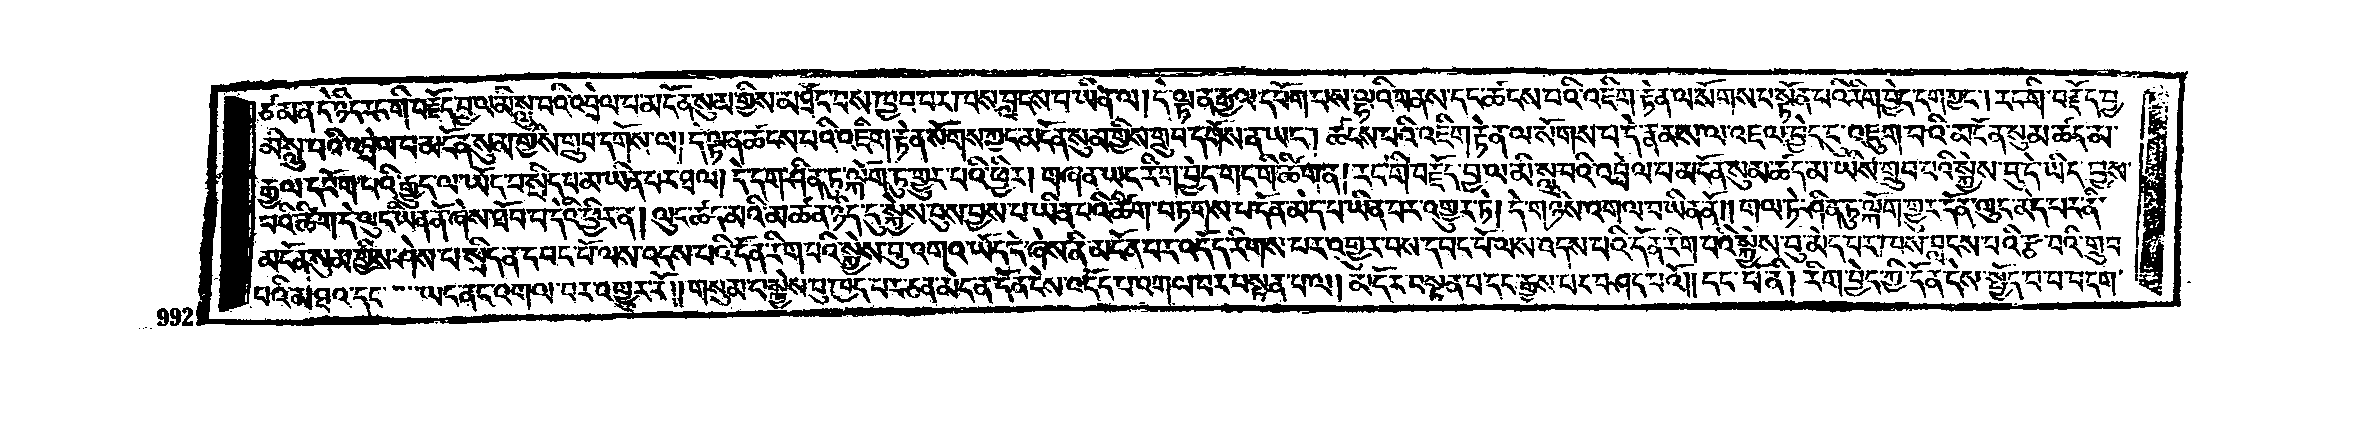ཙམ་ན་དེ་ཉིད་རང་གི་བརྗོད་བྱ་ལ་མི་སླུ་བའི་འབྲེལ་པ་མངོན་སུམ་གྱིས་མཐོང་བས་ཁྱབ་པར་ཁས་བླངས་པ་ཡིན་ལ། དེ་ལྟ་ན་རྒྱལ་དཔོག་པས་ལྷའི་གནས་དང་ཚངས་པའི་འཇིག་རྟེན་ལ་སོགས་པ་སྟོན་པའི་རིག་བྱེད་དག་ཀྱང་། རང་གི་བརྗོད་བྱ་
མི་སླུ་བའི་འབྲེལ་བ་མངོན་སུམ་གྱིས་གྲུབ་དགོས་ལ། དེ་ལྟ་ན་ཚངས་པའི་འཇིག་རྟེན་སོགས་ཀྱང་མངོན་སུམ་གྱིས་གྲུབ་དགོས་ན་ཡང་། ཚངས་པའི་འཇིག་རྟེན་ལ་སོགས་པ་དེ་རྣམས་ལ་འཇལ་བྱེད་དུ་འཇུག་པའི་མངོན་སུམ་ཚད་མ་
རྒྱལ་དཔོག་པའི་རྒྱུད་ལ་ཡོད་པ་སྲིད་པ་མ་ཡིན་པར་ཐལ། དེ་དག་ཤིན་ཏུ་ལྐོག་ཏུ་གྱུར་པའི་ཕྱིར། གཞན་ཡང་རིག་བྱེད་གང་གི་ཚིག་ན། རང་གི་བརྗོད་བྱ་ལ་མི་སླུ་བའི་འབྲེལ་བ་མངོན་སུམ་ཚད་མ་ཡིས་གྲུབ་པའི་སྐྱེས་བུ་དེ་ཡིད་བྱས་
པའི་ཚིག་དེ་ལུང་ཡིན་ནོ་ཞེས་ཐོབ་པ་དེའི་ཕྱིར་ན། ལུང་ཚད་མའི་མཚན་ཉིད་དུ་སྐྱེས་བུས་བྱས་པ་ཡིན་པའི་ཚིག་བཏགས་པ་དོན་མེད་པ་ཡིན་པར་འགྱུར་ཏེ། དེ་གཉིས་འགལ་བ་ཡིན་ནོ། །གལ་ཏེ་ཤིན་ཏུ་ལྐོག་གྱུར་དོན་ལུང་མེད་པར་ནི་
མངོན་སུམ་གྱིས་ཤེས་པ་སྲིད་ན་དབང་པོ་ལས་འདས་པའི་དོན་རིག་པའི་སྐྱེས་བུ་འགའ་ཡོད་དེ་ཞེས་ནི་མངོན་པར་འདོད་རིགས་པར་འགྱུར་བས་དབང་པོ་ལས་འདས་པའི་དོན་རིག་པའི་སྐྱེས་བུ་མེད་པར་ཁས་བླངས་པའི་རྩ་བའི་གྲུབ་
པའི་མཐའ་དང་ཡང་ནང་འགལ་བར་འགྱུར་རོ། །གསུམ་པ་སྐྱེས་བུ་ཁྱད་པར་ཅན་མེད་ན་དོན་ངེས་འདོད་པ་འགལ་བར་བསྟན་པ་ལ། མདོར་བསྟན་པ་དང་རྒྱས་པར་བཤད་པའོ། །དང་པོ་ནི། རིག་བྱེད་ཀྱི་དོན་དེས་སྤྱོད་པ་པ་དག་